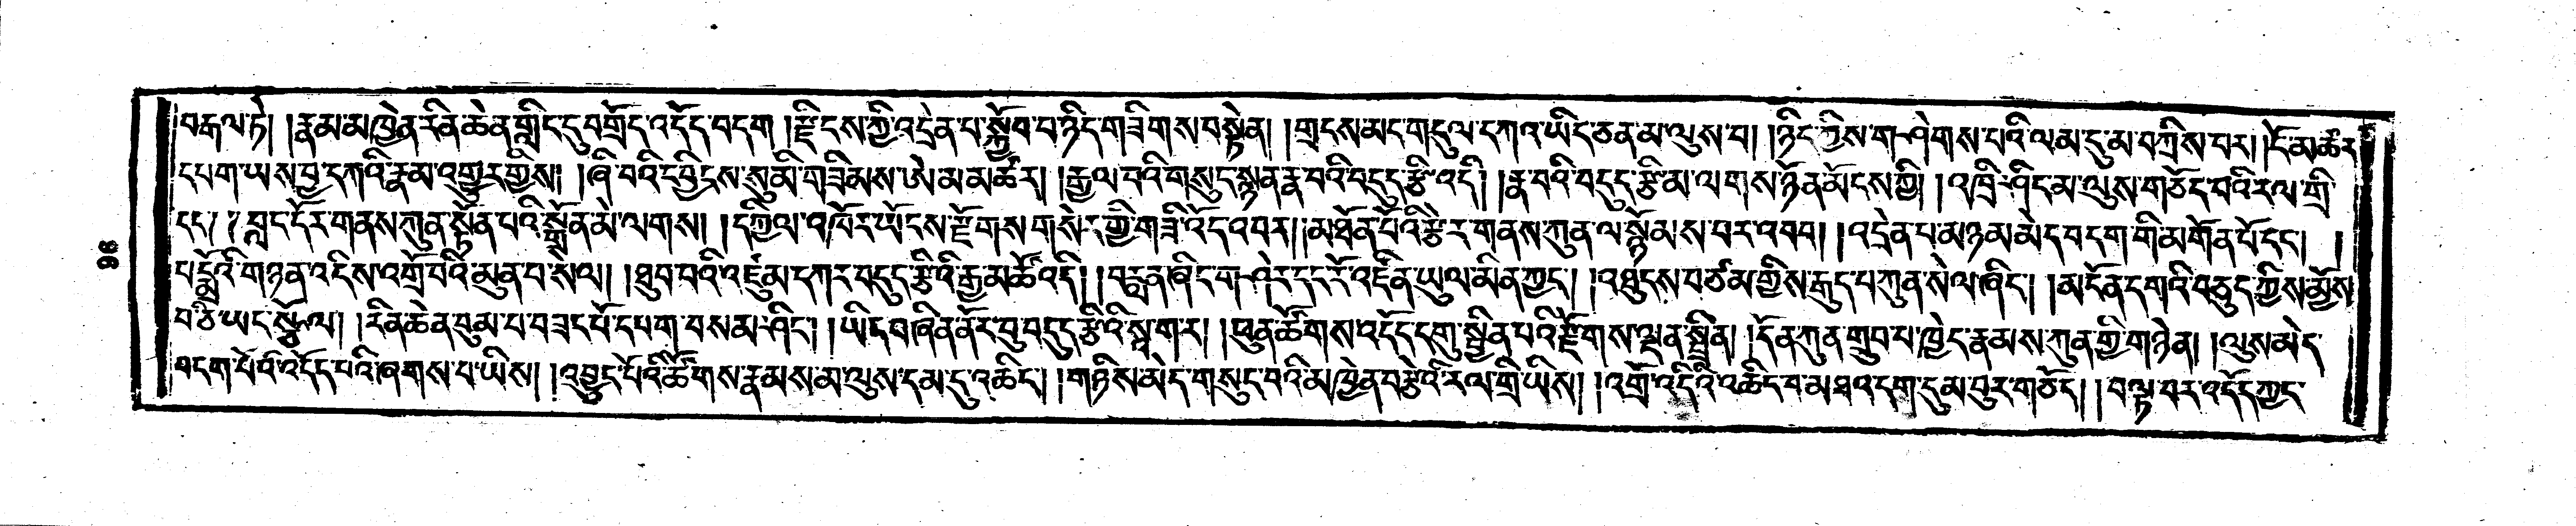བརྒལ་ཏེ། །རྣམ་མཁྱེན་རིན་ཆེན་གླིང་དུ་བགྲོད་འདོད་བདག །རྫིངས་ཀྱི་འདྲེན་པ་སྐྱོབ་པ་ཉིད་གཟིགས་བསྟེན། །གྲངས་མང་གདུལ་དཀའ་ཡིད་ཅན་མ་ལུས་པ། །ཉིད་ཀྱིས་གཤེགས་པའི་ལམ་དུ་མ་བཀྲིས་པར། །ངོ་མཚར་
དཔག་ཡས་བྱ་དཀའི་རྣམ་འགྱུར་གྱིས། །ཞི་བའི་དབྱིངས་སུ་མི་གཟིམས་ཨེ་མ་མཚར། །རྒྱལ་བའི་གསུང་སྙན་རྣ་བའི་བདུད་རྩི་འདི། །རྣ་བའི་བདུད་རྩི་མ་ལགས་ཉོན་མོངས་ཀྱི། །འཁྲི་ཤིང་མ་ལུས་གཅོད་པའི་རལ་གྲི་
དང༑ ༑བླང་དོར་གནས་ཀུན་སྟོན་པའི་སྒྲོན་མེ་ལགས། །དཀྱིལ་འཁོར་ཡོངས་རྫོགས་གསེར་གྱི་གཟི་འོད་འབར། །མཐོན་པོའི་རྩེར་གནས་ཀུན་ལ་སྙོམས་པར་འབབ། །འདྲེན་པ་མཉམ་མེད་བདག་གི་མགོན་པོ་དང་། །
པདམོའི་གཉེན་འདིས་འགྲོ་བའི་མུན་པ་སེལ། །ཐུབ་པའི་འཛུམ་དཀར་བདུད་རྩིའི་རྒྱ་མཚོ་འདི། །བརླན་ཞིང་གཤེར་དང་རོ་འཛིན་ཡུལ་མིན་ཀྱང་། །འཐུངས་པ་ཙམ་གྱིས་རྒུད་པ་ཀུན་སེལ་ཞིང་། །མངོན་དགའི་བཅུད་ཀྱིས་མྱོས་
པ་ཅི་ཡང་སྩོལ། །རིན་ཆེན་བུམ་པ་བཟང་པོ་དཔག་བསམ་ཤིང་། །ཡིད་བཞིན་ནོར་བུ་བདུད་རྩིའི་སཱ་ག་ར། །ཕུན་ཚོགས་འདོད་དགུ་སྦྱིན་པའི་རྫོགས་ལྡན་སྤྲིན། །དོན་ཀུན་གྲུབ་པ་ཁྱེད་རྣམས་ཀུན་གྱི་གཉེན། །ལུས་མེད་
བདག་པོའི་འདོད་པའི་ཞགས་པ་ཡིས། །འབྱུང་པོའི་ཚོགས་རྣམས་མ་ལུས་དམ་དུ་འཆིང་། །གཉིས་མེད་གསུང་བའི་མཁྱེན་བརྩེའི་རལ་གྲི་ཡིས། །འགྲོ་འདིའི་འཆིང་བ་མཐའ་དག་དུམ་བུར་གཅོད། །བལྟ་བར་འདོད་ཀྱང་